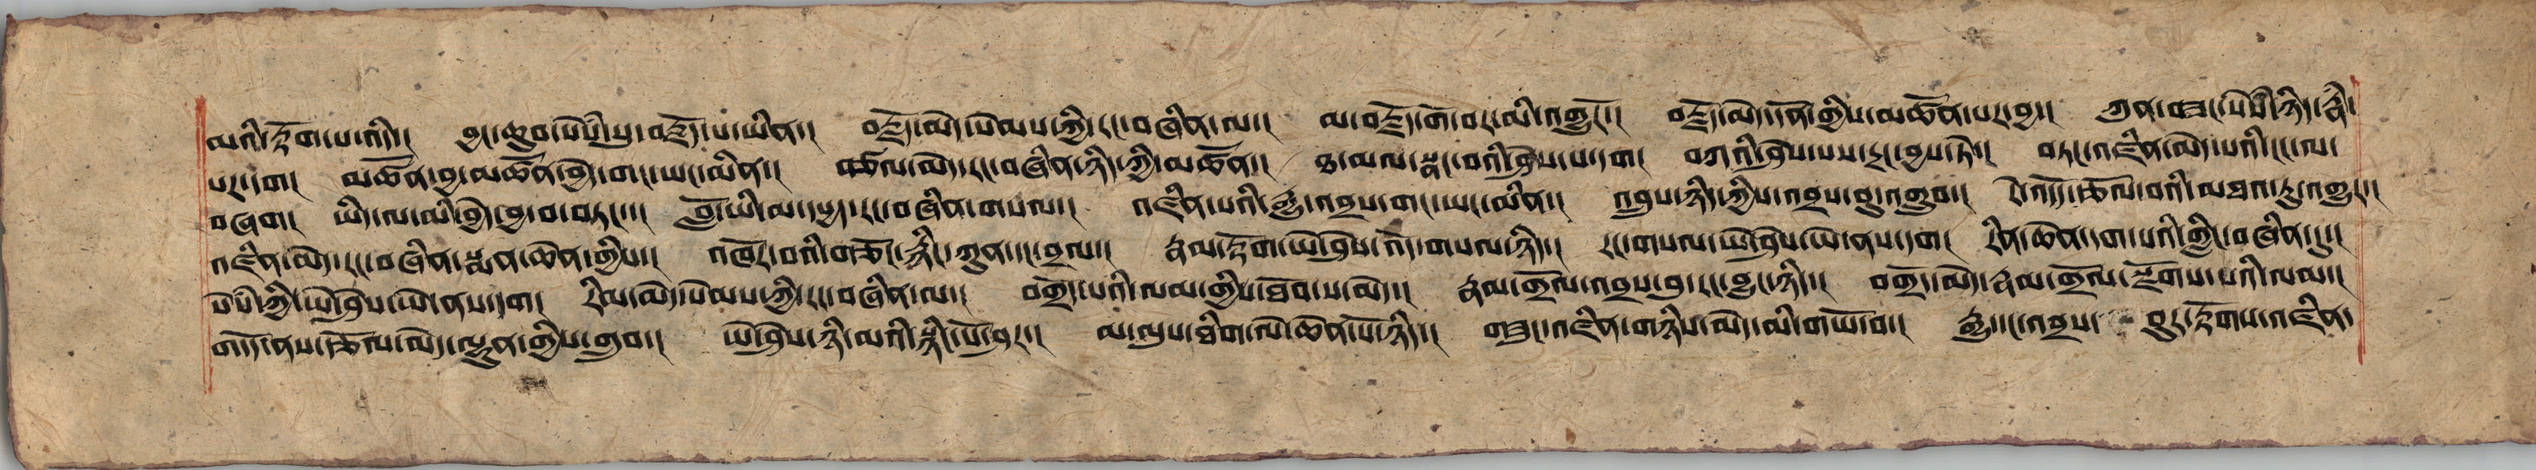མའི་རྟོག་པ་འདི་། བྱང་ཆུབ་སེཾས་སུ་བརྗོད་པ་ཡིན་། བརྗོད་མེད་སེམས་ཀྱི་རང་བཞིན་ལ་། མ་བརྗོད་གོ་བར་མི་འགྱུརོ་། བརྗོད་མེད་དོན་གྱིས་མཚོན་པར་བྱ་། ཀུན་བཟང་སེཾས་ཉིད་རྣཾ་
པར་དག། མཚོན་བྱ་མཚོན་བྱེད་གང་ཡང་མིན་། བཙལ་མེད་རང་བཞིན་ཉིད་ཀྱི་མཚོན་། ཐ་མལ་སྣང་བའི་ཤེས་པ་དག། བཀའི་ཤེས་པས་དྲང་བྱས་ཏེ་། བཏང་འཛིན་མེད་པའི་ངང་ལ་
བཞག། ཡིད་ལ་མི་བྱེད་བྱ་བ་བཏང་། བློ་ཡི་མ་དཔྱད་རང་བཞིན་གསལ་། འཛིན་པའི་རྒྱུ་འབྲས་གང་ཡང་མིན་། འབྲུས་ཉིད་ཀྱིས་འབྲས་བུ་འགྲུབ་། རེ་འདོད་རྩོལ་བའི་མཐའ་རུ་འགྱུར་།
འཛིན་མེད་རང་བཞིན་སྨན་ཆེན་གྱིས་། འཁོར་བའི་གཅོང་རྙིང་ཀུན་དང་བྲལ་། རྣམ་རྟོག་ཡེ་ཤེས་འོད་གསལ་ཉིད་། རང་གསལ་ཡེ་ཤེས་ཡེ་ནས་དག། རིན་ཆེན་དག་པའི་གླིང་བཞིན་དུ་།
སེཾས་ཀྱི་ཡེ་ཤེས་ཡེ་ནས་དག། རིམ་མེད་སེམས་ཀྱི་རང་བཞིན་ལ་། བགྲོད་པའི་ལམ་གྱིས་ཐོབ་པ་མེད་། རྣམ་གྲོལ་འབྲས་བུ་རང་བྱུང་ཉིད་། བགྲོད་མེད་རྣམ་གྲོལ་སྫོགས་པའི་ལམ་།
གདོད་ནས་རྩོལ་མེད་ལྷུན་གྱིས་གྲུབ་། ཡེ་ཤེས་ཉི་མའི་སྙིང་པོ་ཤར་། མ་ལུས་ཐིག་ལེ་ཆེན་པོ་ཉིད་། གཟུང་འཛིན་གཉིད་མེད་མི་གཡོ་བ་། རྒྱུ་དང་འབྲས་ བུར་རྟོགས་འཛིན་